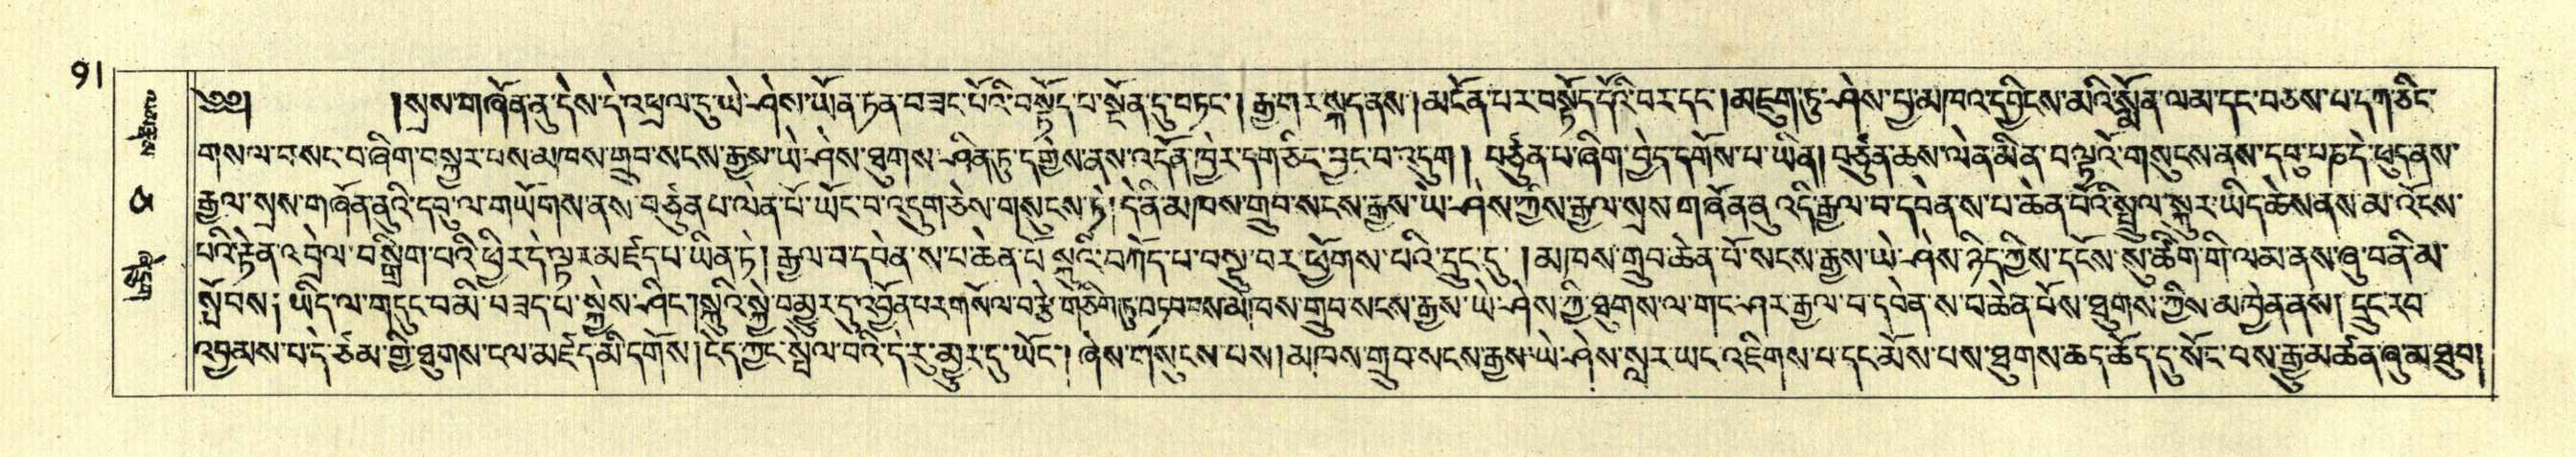༄༅། །སྲས་གཞོན་ནུ་དེས་དེ་འཕྲལ་དུ་ཡེ་ཤེས་ཡོན་ཏན་བཟང་པོའི་བསྟོད་པ་སྔོན་དུ་བཏང་། རྒྱ་གར་སྐད་ནས། མངོན་པར་བསྟོད་དོའི་བར་དང་། མཇུག་ཏུ་ཤེས་བྱ་མཁའ་དབྱིངས་མའི་སྨོན་ལམ་དང་བཅས་པ་དག་ཅིང་
གསལ་བསང་བཞིག་བསྐྱར་བས་མཁས་གྲུབ་སངས་རྒྱས་ཡེ་ཤེས་ཐུགས་ཤིན་ཏུ་དགྱེས་ནས་འདོན་ཁྱེར་དག་ཅིང་བྱང་བ་འདུག། བཙུན་པ་ཞིག་བྱེད་དགོས་པ་ཡིན། བཙུན་ཆས་ལེན་མི་མིན་བལྟའོ་གསུངས་ནས་དབུ་པཎ་དེ་ཕུད་ནས་
རྒྱལ་སྲས་གཞོན་ནུའི་དབུ་ལ་གཡོགས་ནས་བཙུན་པ་ལེན་པོ་ཡོང་བ་འདུག་ཅེས་གསུངས་ཏེ། དེ་ནི་མཁས་གྲུབ་སངས་རྒྱས་ཡེ་ཤེས་ཀྱིས་རྒྱལ་སྲས་གཞོན་ནུ་འདི་རྒྱལ་བ་དབེན་ས་པ་ཆེན་པོའི་སྤྲུལ་སྐུར་ཡིད་ཆེས་ནས་མ་འོངས་
པའི་རྟེན་འབྲེལ་བསྒྲིབ་པའི་ཕྱིར་དེ་ལྟར་མཛད་པ་ཡིན་ཏེ། རྒྱལ་བ་དབེན་ས་པ་ཆེན་པོ་སྐུའི་བཀོད་པ་བསྡུ་བར་ཕྱོགས་པའི་དྲུང་དུ། མཁས་གྲུབ་ཆེན་པོ་སངས་རྒྱས་ཡེ་ཤེས་ཉིད་ཀྱིས་དངོས་སུ་ཚིག་གི་ལམ་ནས་ཞུ་བ་ནི་མ་
སྤོབས༑ ཡིད་ལ་གདུང་བ་མི་བཟད་པ་སྐྱེས་ཤིང་། སྐུའི་སྐྱེ་བ་མྱུར་དུ་འབྱོན་པར་གསོལ་བ་རྩེ་གཅིག་ཏུ་བཏབ་བས་མཁས་གྲུབ་སངས་རྒྱས་ཡེ་ཤེས་ཀྱི་ཐུགས་ལ་གང་ཤར་རྒྱལ་བ་དབེན་ས་པ་ཆེན་པོས་ཐུགས་ཀྱིས་མཁྱེན་ནས། དྲུང་རབ་
འབྱམས་པ་དེ་ཙམ་གྱི་ཐུགས་ངལ་མཛད་མི་དགོས། ངེད་ཀྱང་སྤེལ་བའི་དེ་རུ་མྱུར་དུ་ཡོང་། ཞེས་གསུངས་པས། མཁས་གྲུབ་སངས་རྒྱས་ཡེ་ཤེས་སླར་ཡང་འཇིགས་པ་དང་མོས་པས་ཐུགས་ཆད་ཆོད་དུ་སོང་བས་རྒྱུ་མཚན་ཞུ་མ་ཐུབ།